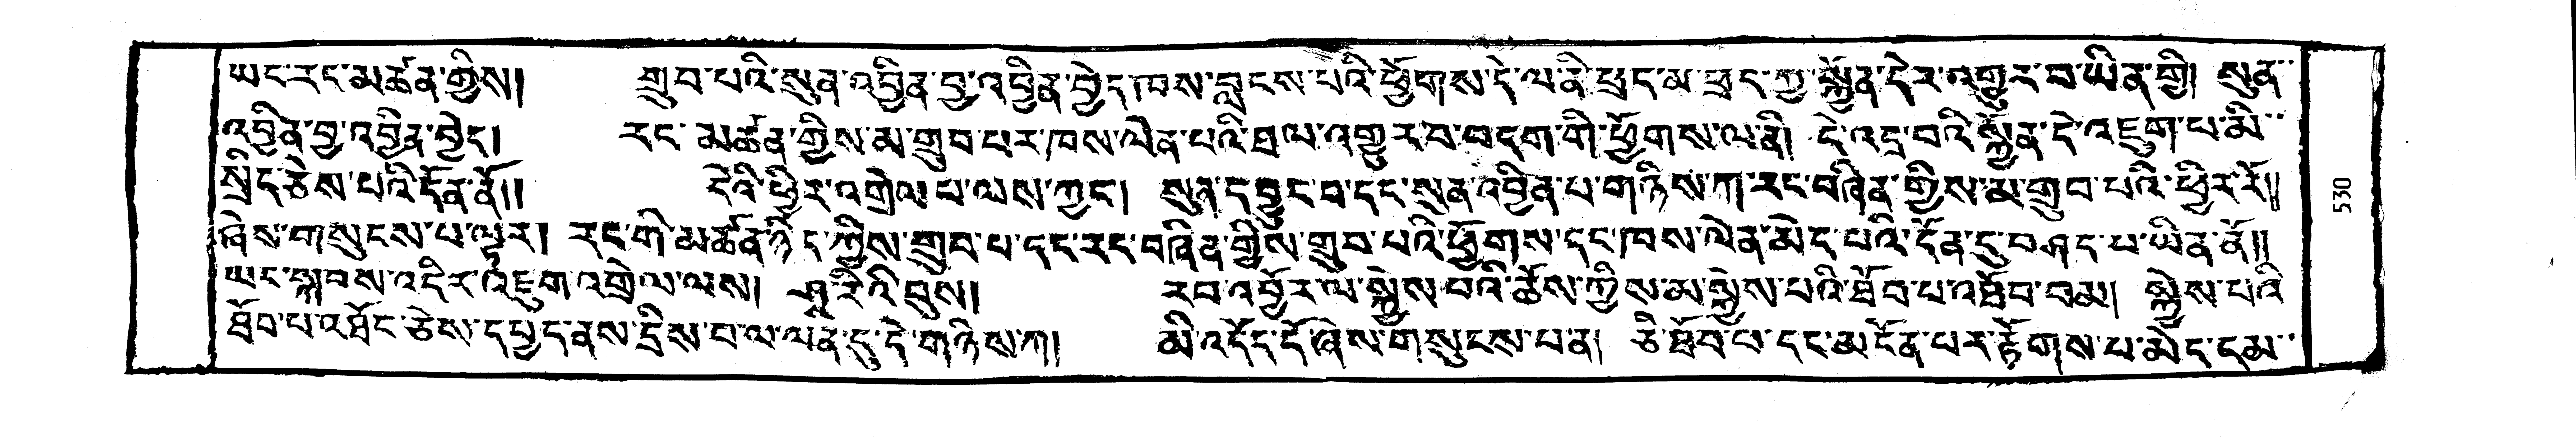ཡང་རང་མཚན་གྱིས། གྲུབ་པའི་སུན་འབྱིན་བྱ་འབྱིན་བྱེད་ཁས་བླངས་པའི་ཕྱོགས་དེ་ལ་ནི་ཕྲད་མ་ཕྲད་ཀྱ་སྐྱོན་དེར་འགྱུར་བ་ཡིན་གྱི། སུན་
འབྱིན་བྱ་འབྱིན་བྱེད། རང་མཚན་གྱིས་མ་གྲུབ་པར་ཁས་ལེན་པའི་ཐལ་འགྱུར་བ་བདག་གི་ཕྱོགས་ལ་ནི། དེ་འདྲ་བའི་སྐྱོན་དེ་འཇུག་པ་མི་
སྲིད་ཅེས་པའི་དོན་ནོ། །དེའི་ཕྱིར་འགྲེལ་པ་ལས་ཀྱང་། སུན་དབྱུང་བ་དང་སུན་འབྱིན་པ་གཉིས་ཀ་རང་བཞིན་གྱིས་མ་གྲུབ་པའི་ཕྱིར་རོ། །
ཞེས་གསུངས་པ་ལྟར། རང་གི་མཚན་ཉིད་ཀྱིས་གྲུབ་པ་དང་རང་བཞིན་གྱིས་གྲུབ་པའི་ཕྱོགས་དང་ཁས་ལེན་མེད་པའི་དོན་དུ་བཤད་པ་ཡིན་ནོ། །
ཡང་སྐབས་འདིར་འཇུག་འགྲེལ་ལས། ཤཱ་རིའི་བུས། རབ་འབྱོར་ལ་སྐྱེས་བའི་ཆོས་ཀྱིས་མ་སྐྱེས་པའི་ཐོབ་པ་འཐོབ་བམ། སྐྱེས་པའི་
ཐོབ་པ་འཐོང་ཅེས་དཔྱད་ནས་དྲིས་པ་ལ་ལན་དུ་དེ་གཉིས་ཀ། མི་འདོད་དོ་ཞེས་གསུངས་པ་ན། ཅི་ཐོབ་པ་དང་མངོན་པར་རྟོགས་པ་མེད་དམ་